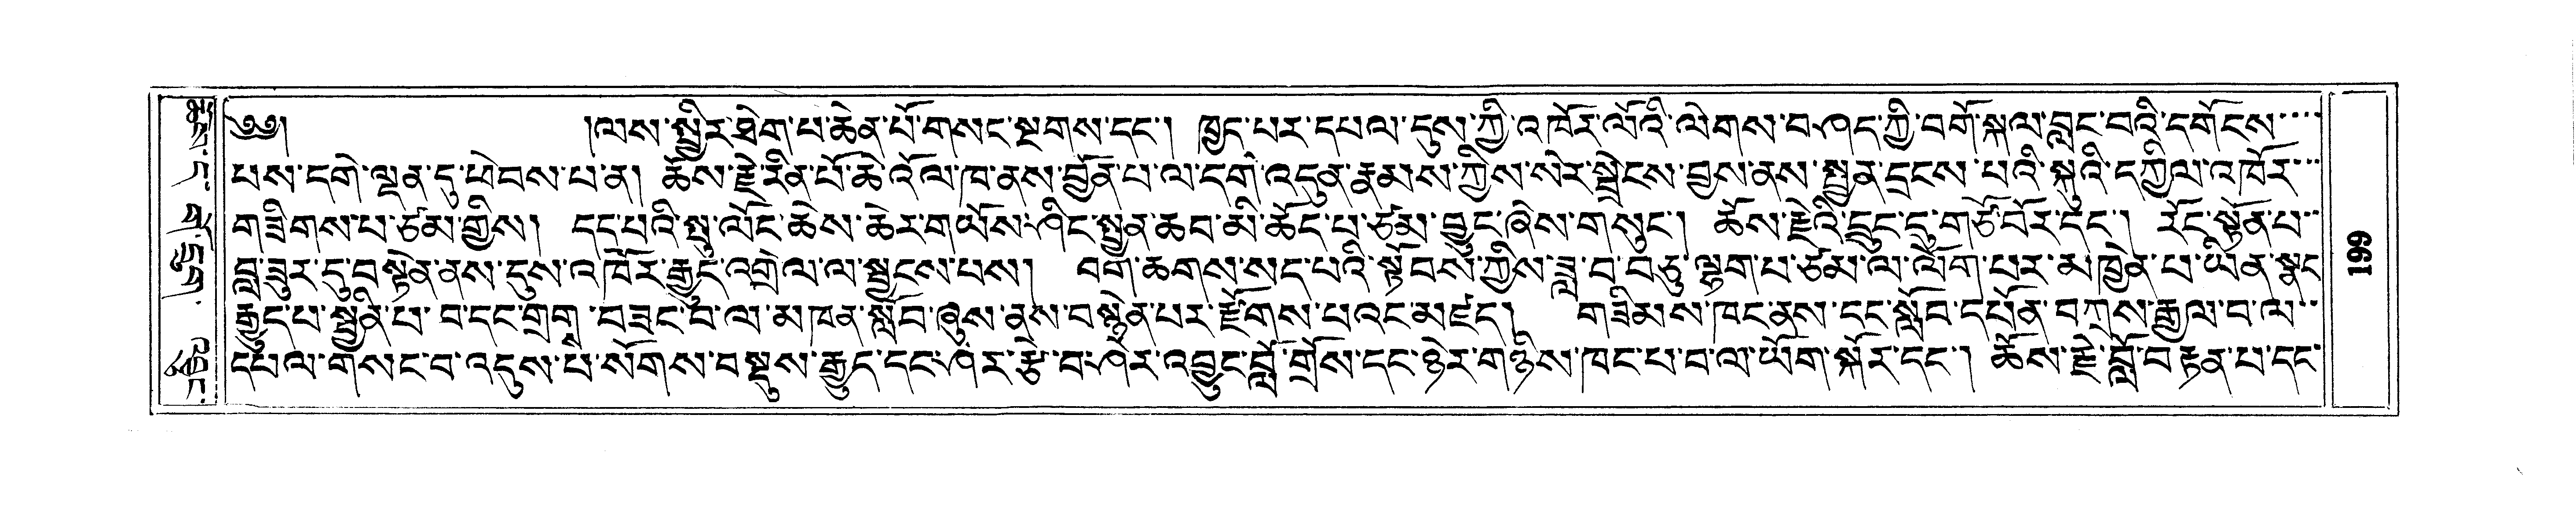༄༅། །ལས་སྤྱིར་ཐེག་པ་ཆེན་པོ་གསང་སྔགས་དང་། ཁྱད་པར་དཔལ་དུས་ཀྱི་འཁོར་ལོའི་ལེགས་བཤད་ཀྱི་བགོ་སྐལ་བླང་བའི་དགོངས་
པས་དགེ་ལྡན་དུ་ཕེབས་པ་ན། ཆོས་རྗེ་རིན་པོ་ཆེ་འོལ་ཁ་ནས་བྱོན་པ་ལ་དགེ་འདུན་རྣམས་ཀྱིས་སེར་སྦྲེངས་བྱས་ནས་སྦྱན་དྲངས་པའི་སྐུའི་དཀྱིལ་འཁོར་
གཟིགས་པ་ཙམ་གྱིས། དང་པའི་སྤུ་ལོང་ཆེས་ཆེར་གཡོས་ཤིང་སྤྱན་ཆབ་མི་ཆོད་པ་ཙམ་བྱུང་ཞེས་གསུང་། ཆོས་རྗེའི་དྲུང་དུ་གཙོ་བོར་དང་། རོང་སྟོན་པ་
བླ་ཟུར་དུ་བསྟེན་ནས་དུས་འཁོར་རྒྱུད་འགྲེལ་ལ་སྦྱངས་པས། བག་ཆགས་སད་པའི་སྟོབས་ཀྱིས་ཟླ་བ་བཅུ་ལྷག་པ་ཙམ་ལ་ལོག་པར་མཁྱེན་པ་ཡིན་སྣང་
རྒྱུད་པ་སྦྱིན་པ་བ་དང་གྲགས་བཟང་བ་ལ་མཁན་སློབ་ཞུས་ནས་བསྙེན་པར་རྫོགས་པའང་མཛད། གཟིམས་ཁང་ནས་དང་སློབ་དཔོན་བཀྲས་རྒྱལ་བ་ལ་
དཔལ་གསང་བ་འདུས་པ་སོགས་བསྡུས་རྒྱུད་དང་ཤར་རྩེ་བ་ཤེར་འབྱུང་བློ་གྲོས་དང་ཉེར་གཉིས་ཁང་པ་བ་ལ་ཡོག་སྐོར་དང་། ཆོས་རྗེ་བློ་བརྟན་པ་དང་